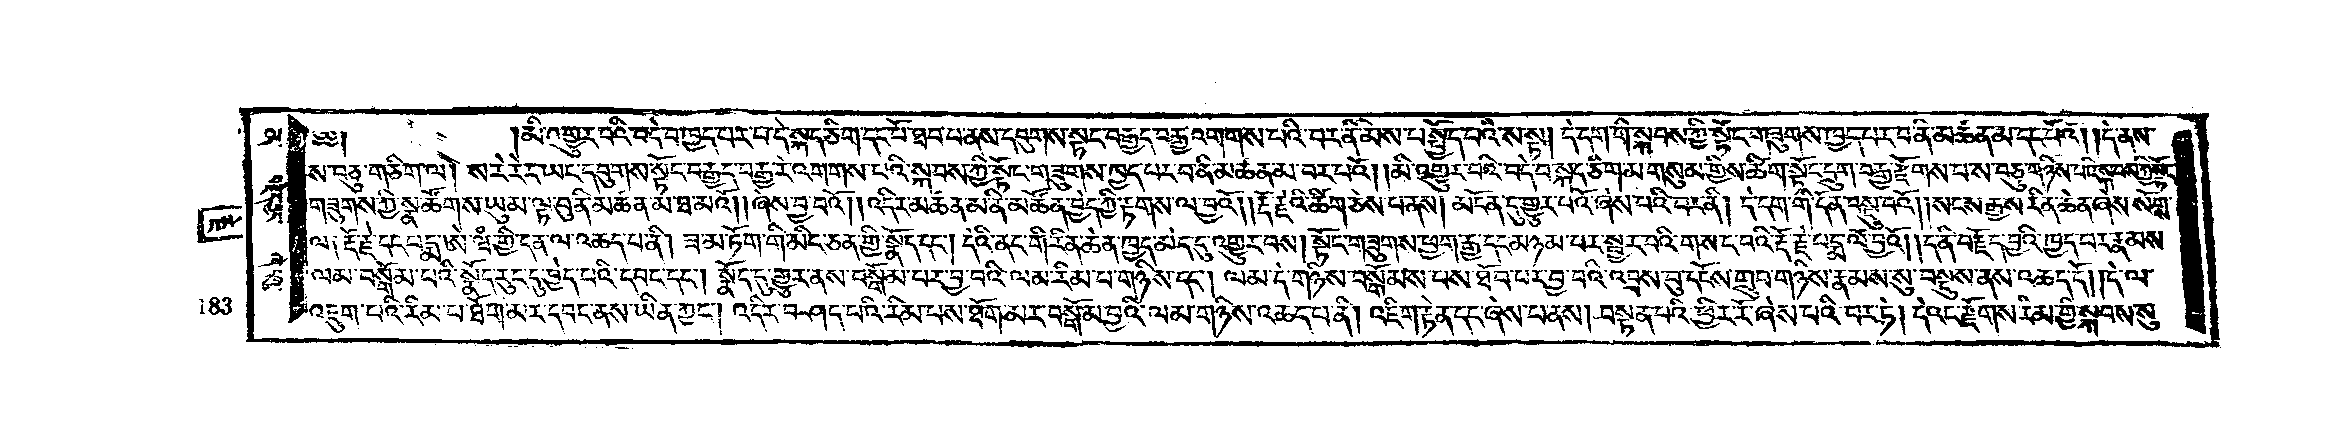༄༅། །མི་འགྱུར་བའི་བདེ་བ་ཁྱད་པར་བ་དེ་སྐད་ཅིག་དང་པོ་ཐོབ་པ་ནས་དབུགས་སྟོང་བརྒྱད་བརྒྱ་འགགས་པའི་བར་ནི་མེས་པ་སྤྱོད་པའི་ས་སྟེ། དེ་དག་གི་སྐབས་ཀྱི་སྟོང་གཟུགས་ཁྱད་པར་བ་ནི་མཚན་མ་དང་པོའོ། །དེ་ནས་
ས་བཅུ་གཅིག་ལ། ས་རེ་རེར་ཡང་དབུགས་སྟོང་བརྒྱད་བརྒྱ་རེ་འགགས་པའི་སྐབས་ཀྱི་སྟོང་གཟུགས་ཁྱད་པར་བ་ནི་མཚན་མ་བར་པའོ། །མི་འགྱུར་བའི་བདེ་བ་སྐད་ཅིག་མ་གསུམ་གྱིས་ཆིག་སྟོང་དྲུག་བརྒྱ་རྫོགས་པ་ས་བཅུ་གཉིས་པའི་སྐབས་ཀྱི་སྟོང་
གཟུགས་ཀྱི་སྣ་ཚོགས་ཡུམ་ལྟ་བུ་ནི་མཚན་མ་ཐ་མའོ། །ཞེས་བྱ་བའོ། །འདིར་མཚན་མ་ནི་མཚོན་བྱེད་ཀྱི་རྟགས་ལ་བྱའོ། །རྡོ་རྗེའི་ཚིག་ཅེས་པ་ནས། མངོན་དུ་གྱུར་པའོ་ཞེས་པའི་བར་ནི། དེ་དག་གི་དོན་བསྡུ་བའོ། །སངས་རྒྱས་རིན་ཆེན་ཞེས་སོགས་
ལ། རྡོ་རྗེ་དང་པདམ་ཨེ་ཝཾ་གྱི་དན་ལ་འཆད་པ་ནི། ཟ་མ་ཏོག་གི་མིང་ཅན་གྱི་སྣོད་དང་། དེའི་ནང་གི་རིན་ཆེན་ཁྱད་མེད་དུ་འགྱུར་བས། སྟོང་གཟུགས་ཕྱག་རྒྱ་དང་མཉམ་པར་སྦྱར་བའི་གསང་བའི་རྡོ་རྗེ་པདམ་ལ་བྱའོ། །ད་ནི་བརྗོད་བྱའི་ཁྱད་པར་རྣམས་
ལམ་བསྒོམ་པའི་སྣོད་རུང་དུ་བྱེད་པའི་དབང་དང་། སྣོད་དུ་གྱུར་ནས་བསྒོམ་པར་བྱ་བའི་ལམ་རིམ་པ་གཉིས་དང་། ལམ་དེ་གཉིས་བསྒོམས་པས་ཐོབ་པར་བྱ་བའི་འབྲས་བུ་དངོས་གྲུབ་གཉིས་རྣམས་སུ་བསྡུས་ནས་འཆད་དོ། །དེ་ལ་
འཇུག་པའི་རིམ་པ་ཐོག་མར་དབང་ནས་ཡིན་ཀྱང་། འདིར་བཤད་པའི་རིམ་པས་ཐོག་མར་བསྒོམ་བྱའི་ལམ་གཉིས་འཆད་པ་ནི། འཇིག་རྟེན་དང་ཞེས་པ་ནས། བསྟན་པའི་ཕྱིར་རོ་ཞེས་པའི་བར་ཏེ། དེའང་རྫོགས་རིམ་གྱི་སྐབས་སུ་